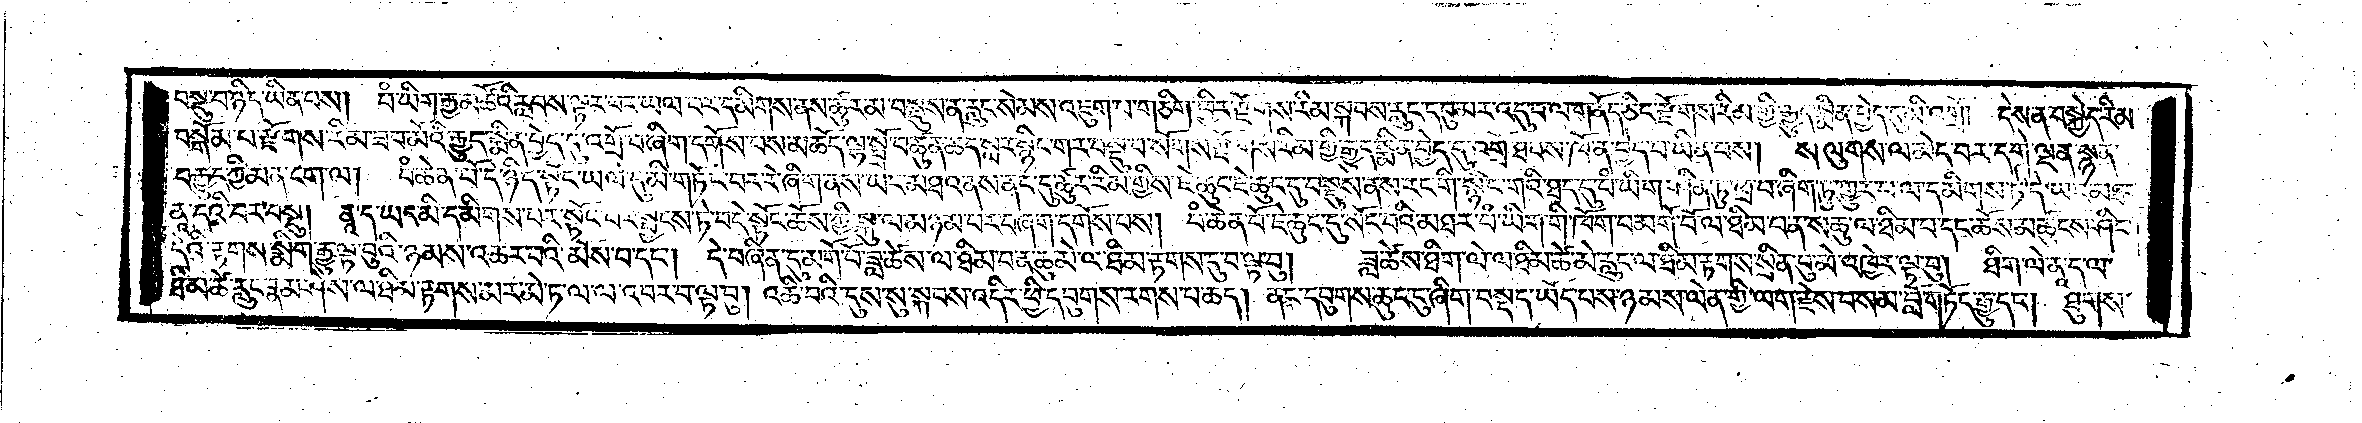བསྡུ་བ་ཉིད་ཡིན་པས། བཾ་ཡིག་རྒྱ་མཚོའི་རླབས་ལྟར་ཕར་ཡལ་བར་དམིགས་ནས་ཚུར་མ་བསྡུས་ན་རླུང་སེམས་འཇུག་པ་གཅིག་ཕྱིར་རྫོགས་རིམ་སྐབས་རླུང་དབུ་མར་འདུ་བ་ལ་གནོད་ཅིང་རྫོགས་རིམ་གྱི་རྒྱུད་སྨིན་བྱེད་དུ་མི་འགྲོ། དེས་ན་བསྐྱེད་རིམ་
བསྒོམ་པ་རྫོགས་རིམ་ཟབ་མོའི་རྒྱུད་སྨིན་བྱེད་དུ་འགྲོ་བ་ཞིག་དགོས་པས་མཆོད་ལྷ་སྤྲོ་བ་ཚུན་ཆད་སླར་སྙིང་གར་བསྡུ་བ་སོགས་རྫོགས་རིམ་གྱི་རྒྱུད་སྨིན་བྱེད་དུ་འགྲོ་ཐབས་ཁོ་ན་བྱེད་པ་ཡིན་པས། ས་ལུགས་ལ་མེད་པར་དགེ་ལྡན་སྙན་
བརྒྱུད་ཀྱི་མན་ངག་ལ། བཾ་ཆེན་པོ་དེ་ཉིད་སྟོང་ཡལ་དུ་མི་གཏོང་བར་རེ་ཞིག་ནས་ཡང་མཐའ་ནས་ནང་དུ་ཚུབ་རིམ་གྱིས་ཇེ་ཆུང་ཇེ་ཆུང་དུ་བསྡུས་ནས་རང་གི་སྙིང་གའི་ཐད་དུ་བཾ་ཡིག་ཤིན་ཏུ་ཕྲ་བ་ཞིག་ཏུ་གྱུར་པ་ལ་དམིགས་ཏེ་དེ་ཡང་མཐར་
ནཱ་དའི་བར་བསྡུ། ནཱ་ད་ཡང་མི་དམིགས་པར་སྟོང་བར་སྦྱངས་ཏེ་བདེ་སྟོང་ཆོས་ཀྱི་སྐུ་ལ་མཉམ་པར་བཞག་དགོས་པས། བཾ་ཆེན་པོ་ཇེ་ཆུང་དུ་སོང་བའི་མཐར་བཾ་ཡིག་གི་ཁོག་བ་མགོ་བོ་ལ་ཐིམ་པ་ན་ས་ཆུ་ལ་ཐིམ་པ་དང་ཆོས་མཚུངས་ཤིང་།
དེའི་རྟགས་སྨིག་རྒྱུ་ལྟ་བུའི་ཉམས་འཆར་བའི་མོས་པ་དང་། དེ་བཞིན་དུ་མགོ་བོ་ཟླ་ཚེས་ལ་ཐིམ་པ་ན་ཆུ་མེ་ལ་ཐིམ་རྟགས་དུ་བ་ལྟ་བུ། ཟླ་ཚེས་ཐིག་ལེ་ལ་ཐིམ་ཚེ་མེ་རླུང་ལ་ཐིམ་རྟགས་སྲིན་བུ་མེ་འཁྱེར་ལྟ་བུ། ཐིག་ལེ་ནཱ་ད་ལ་
ཐིམ་ཚེ་རླུང་རྣམ་ཤེས་ལ་ཐིམ་རྟགས་མར་མེ་ཏ་ལ་ལ་འབར་བ་ལྟ་བུ། འཆི་བའི་དུས་སུ་སྐབས་འདིར་ཕྱི་དབུགས་རགས་པ་ཆད། ནང་དབུགས་ཆུང་ངུ་ཞིག་བསྡད་ཡོད་པས་ཉམས་ལེན་གྱི་ལག་རྗེས་བསམ་བློ་གཏོང་རྒྱུ་དང་། ཐུགས་